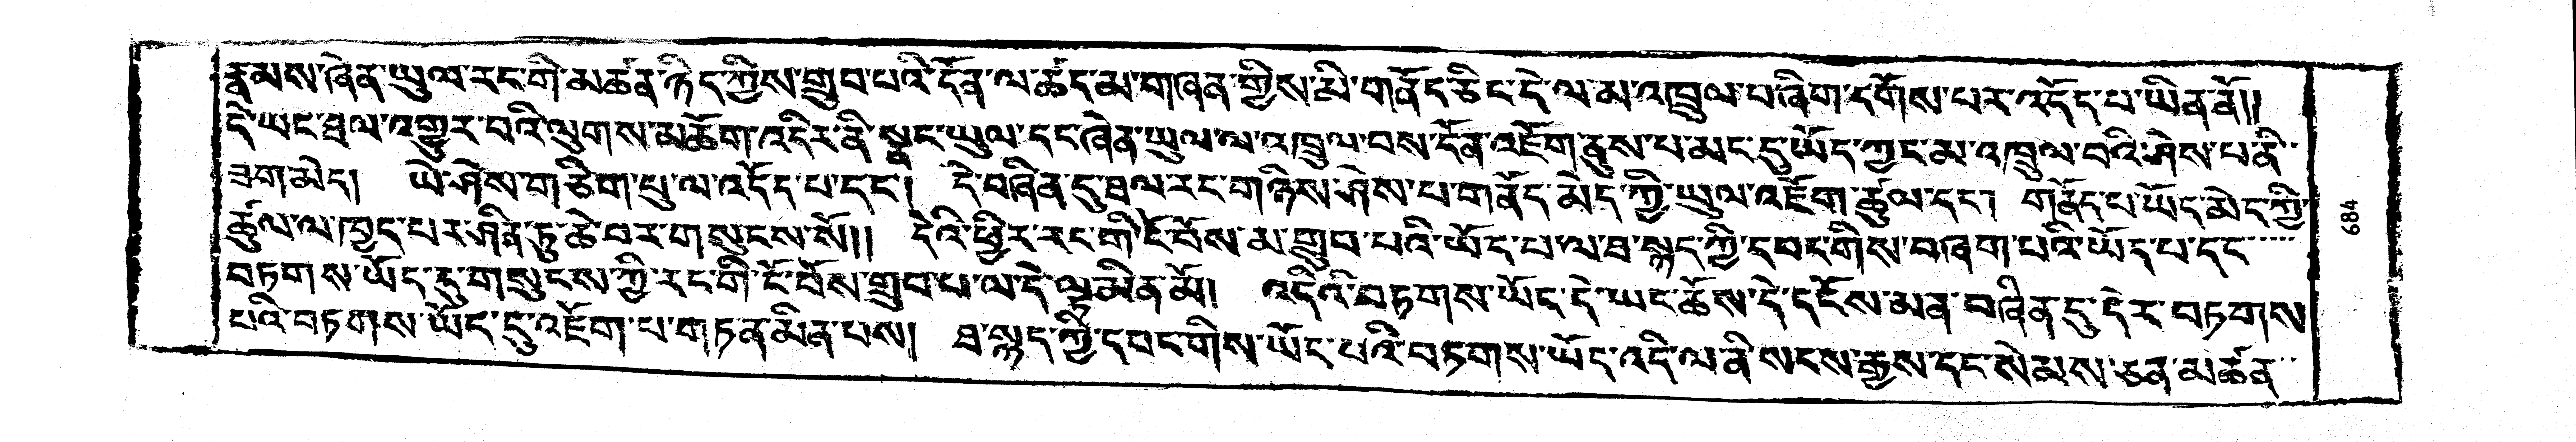རྣམས་ཞེན་ཡུལ་རང་གི་མཚན་ཉིད་ཀྱིས་གྲུབ་པའི་དོན་ལ་ཚད་མ་གཞན་གྱིས་མི་གནོད་ཅིང་དེ་ལ་མ་འཁྲུལ་པ་ཞིག་དགོས་པར་འདོད་པ་ཡིན་ནོ། །
དེ་ཡང་ཐལ་འགྱུར་བའི་ལུགས་མཆོག་འདིར་ནི་སྣང་ཡུལ་དང་ཞེན་ཡུལ་ལ་འཁྲུལ་བས་དོན་འཇོག་ནུས་པ་མང་དུ་ཡོད་ཀྱང་མ་འཁྲུལ་བའི་ཤེས་པ་ནི་
ཟག་མེད། ཡེ་ཤེས་གཅིག་པུ་ལ་འདོད་པ་དང་། དེ་བཞིན་དུ་ཐལ་རང་གཉིས་ཤེས་པ་གནོད་མེད་ཀྱི་ཡུལ་འཇོག་ཚུལ་དང་། གནོད་པ་ཡོད་མེད་ཀྱི་
ཚུལ་ལ་ཁྱད་པར་ཤིན་ཏུ་ཆེ་བར་གསུངས་སོ། །དེའི་ཕྱིར་རང་གི་ངོ་བོས་མ་གྲུབ་པའི་ཡོད་པ་ལ་ཐ་སྙད་ཀྱི་དབང་གིས་བཞག་པའི་ཡོད་པ་དང་
བཏགས་ཡོད་དུ་གསུངས་ཀྱི་རང་གི་ངོ་བོས་གྲུབ་པ་ལ་དེ་ལྟ་མིན་མོ། འདིའི་བཏགས་ཡོད་དེ་ཡང་ཆོས་དེ་དངོས་མན་བཞིན་དུ་དེར་བཏགས་
པའི་བཏགས་ཡོད་དུ་འཇོག་པ་གཏན་མིན་པས། ཐ་སྙད་ཀྱི་དབང་གིས་ཡོད་པའི་བཏགས་ཡོད་འདི་ལ་ནི་སངས་རྒྱས་དང་སེམས་ཅན་མཚན་